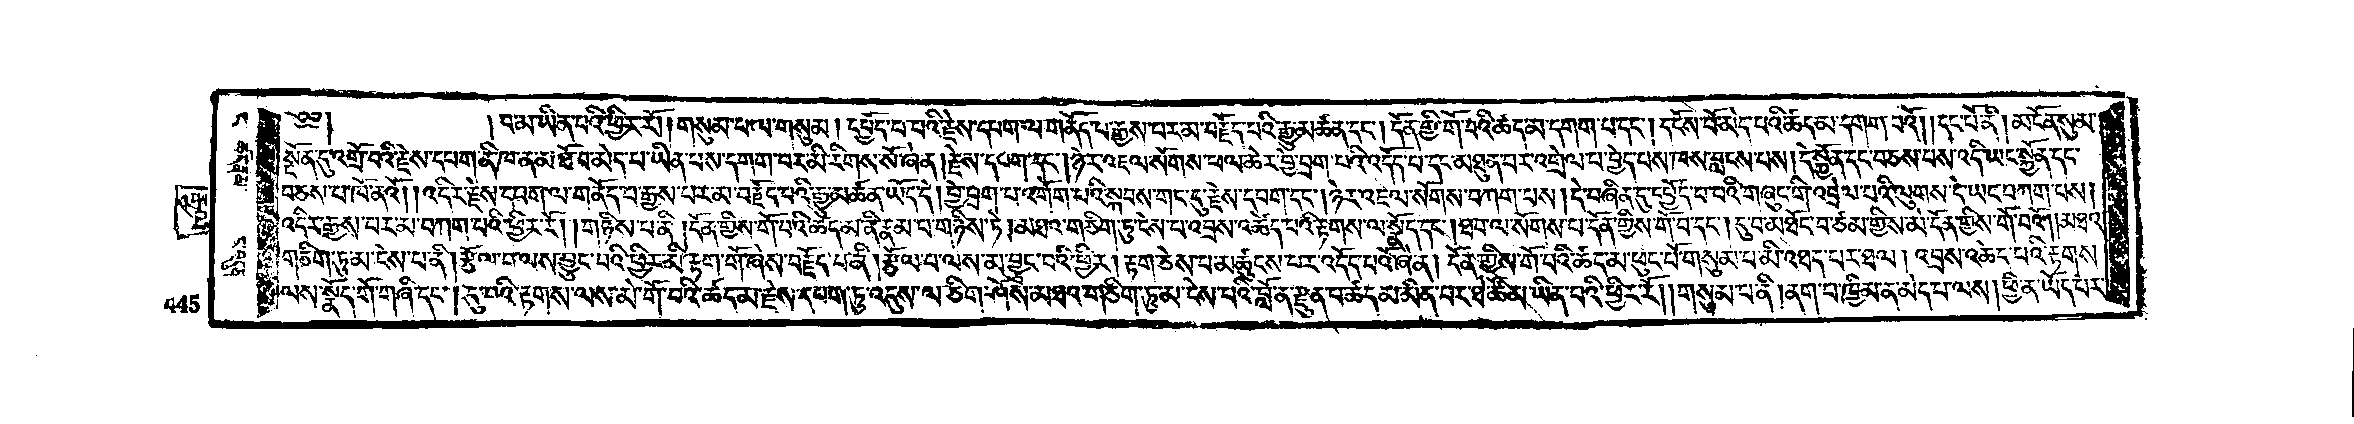༄༅། །བ་མ་ཡིན་པའི་ཕྱིར་རོ། །གསུམ་པ་ལ་གསུམ། དཔྱོད་པ་པའི་རྗེས་དཔག་ལ་གནོད་པ་རྒྱས་པར་མ་བརྗོད་པའི་རྒྱུ་མཚན་དང་། དོན་གྱི་གོ་བའི་ཚད་མ་དགག་པ་དག། དངོས་པོ་མེད་པའི་ཚད་མ་དགག་པའོ། །དང་པོ་ནི། མངོན་སུམ་
སྔོན་དུ་འགྲོ་བའི་རྗེས་དཔག་ནི་ཁ་ན་མ་ཐོབ་མེད་པ་ཡིན་པས་དགག་པར་མི་རིགས་སོ་ཞེ་ན། རྗེས་དཔག་དང་། ཉེར་འཇལ་སོགས་ཕལ་ཆེར་བྱེ་བྲག་པའི་འདོད་པ་དང་མཐུན་པར་འགྲེལ་པ་བྱེད་པས་ཁས་བླངས་པས། དེ་སྐྱོན་དང་བཅས་པས་འདི་ཡང་སྐྱོན་དང་
བཅས་པ་ཁོ་ནའོ། །འདིར་རྗེས་དཔག་ལ་གནོད་པ་རྒྱས་པར་མ་བརྗོད་པའི་རྒྱུ་མཚན་ཡོད་དེ། བྱེ་བྲག་པ་འགོག་པའི་སྐབས་གང་དུ་རྗེས་དཔག་དང་། ཉེར་འཇལ་སོགས་བཀག་པས། དེ་བཞིན་དུ་དཔྱོད་པ་བའི་གཞུང་གི་འབྲེལ་པའི་ལུགས་དེ་ཡང་བཀག་པས།
འདིར་རྒྱས་པར་མ་བཀག་པའི་ཕྱིར་རོ། །གཉིས་པ་ནི། དོན་གྱིས་གོ་བའི་ཚད་མ་ནི་རྣམ་པ་གཉིས་ཏེ། མཐའ་གཅིག་ཏུ་ངེས་པ་འབྲས་འཚེད་པའི་རྟགས་ལ་སྣོད་དང་། ཐབ་ལ་སོགས་པ་དོན་གྱིས་གོ་བ་དང་། དུ་བ་མཐོང་བ་ཙམ་གྱིས་མེ་དོན་གྱིས་གོ་བའོ། །མཐའ་
གཅིག་ཏུ་མ་ངེས་པ་ནི། རྩོལ་བ་ལས་བྱུང་བའི་ཕྱིར། མི་རྟགས་གོ་ཞེས་བརྗོད་པ་ནི། རྩོལ་པ་ལས་མ་བྱུང་བའི་ཕྱིར། རྟག་ཅེས་པ་མཚུངས་པར་འདོད་པའོ་ཞེ་ན། དོན་གྱིས་གོ་བའི་ཚད་མ་ཕུང་པོ་གསུམ་པ་མི་འཐད་པར་ཐལ། འབྲས་འཆེད་པའི་རྟགས་
ལས་སྣོད་གོ་གཞི་དང་། དུ་བའི་རྟགས་ལས་མེ་གོ་བའི་ཚད་མ་རྗེས་དཔག་ཏུ་འདུས་ལ་ཅིག་ཤོས་མཐའ་གཅིག་ཏུ་མ་ངེས་པའི་བློན་རྫུན་པ་ཚད་མ་མིན་པར་ཐེ་ཚོམ་ཡིན་པའི་ཕྱིར་རོ། །གསུམ་པ་ནི། ནག་པ་ཁྱིམ་ན་མེད་པ་ལས། ཕྱི་ན་ཡོད་པར་